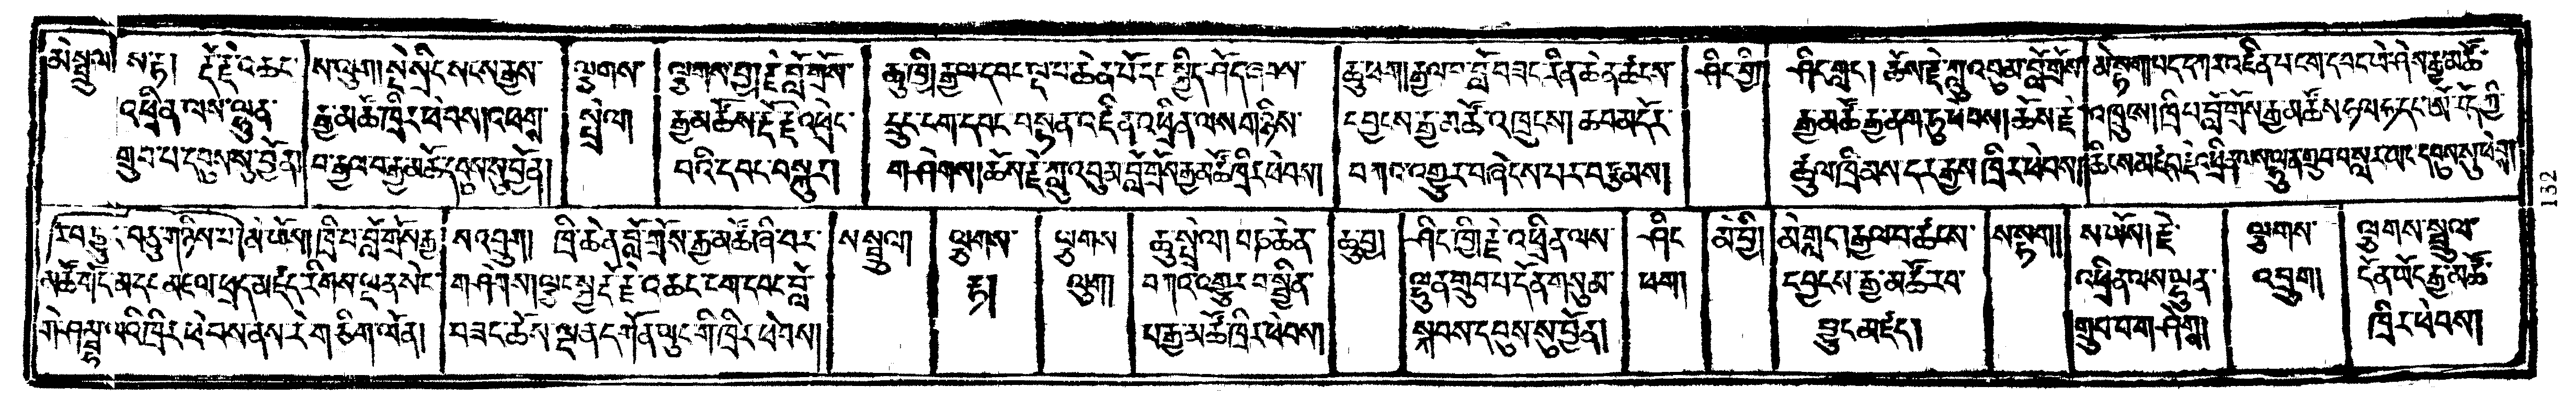མེ་སྦྲུལ། ས་རྟ། རྡོ་རྗེ་འཆང་ས་ལུག། སྡེ་སྲིང་སངས་རྒྱས་ལྕགས་ལྕགས་བྱ། རྗེ་བློ་གྲོས་ཆུ་ཁྱི། རྒྱལ་དབང་ལྔ་པ་ཆེན་པོ་དང་སྐྱིད་ཤོད་ཞབས། ཆུ་ཕག། རྒྱལ་བ་བློ་བཟང་རིན་ཆེན་ཚངས་ཤིང་བྱི། ཤིང་གླང་། ཆོས་རྗེ་ཀླུ་འབུམ་བློ་གྲོས་མེ་སྟག །པད་དཀར་འཛིན་པ་ངག་དབང་ཡེ་ཤེས་རྒྱ་མཚོ་
འཕྲིན་ལས་ལྷུན་རྒྱ་མཚོ་ཁྲིར་ཕེབས། འཕགས་སྤྲེལ། རྒྱ་མཚོས་རྡོ་རྗེ་འཕྲེང་དྲུང་ངག་དབང་བསྟན་འཛིན་འཕྲིན་ལས་གཉིས་དབྱངས་རྒྱ་མཚོ་འཁྲུངས། ཆབ་མདོར་རྒྱ་མཚོ་རྒྱ་ནག་ཏུ་ཕབས། ཆོས་རྗེ་འཁྲུངས། ཁྲི་བ་བློ་གྲོས་རྒྱ་མཚོས་ཏལ་ཧ་དང་ཨོ་རོད་ཀྱི་
གྲུབ་པ་དབུས་སུ་བྱོན། བ་རྒྱལ་བརྒྱ་མཆོ་དབུས་སུ་བྱོན། བའི་དབང་བསྐུར། གཤེགས། ཆོས་རྗེ་ཀླུ་འབུམ་བློ་གྲོས་རྒྱ་མཚོ་ཁྲིར་ཕེབས་བཀའ་འགྱུར་བཞེངས་པར་བརྩམས། ཚུལ་ཁྲིམས་དར་རྒྱས་ཁྲིར་ཕེབས། ཆིང་མཛད། རྗེ་འཕྲིན་ལས་ལྷུན་གྲུབ་བསླར་ཡང་དབུས་སུ་ཕེབས།
རབ་བྱུང?་བཅུ་གཉིས་པ། མེ་ཡོས། ཁྲི་བ་བློ་གྲོས་རྒྱ་ས་འབྲུག། ཁྲི་ཆེན་བློ་གྲོས་རྒྱ་མཚོ་ཞི་བར་ས་སྦྲུལ། ལྕགས་ལྕགས་ཆུ་སྤྲེལ། པཎ་ཆེན་ཆུ་བྱ། ཤིང་ཁྱི། རྗེ་འཕྲིན་ལས་ཤིང་མེ་བྱི། མེ་གླང་། རྒྱལ་བ་ཚངས་ས་སྟག། ས་ཡོས། རྗེ་ལྕགས་ལྕགས་སྦྲུལ་
མཚོ་གོང་མ་དང་མཇལ་ཕྲད་མཛེད་རིགས་ལྡན་སེང་གཤེགས། ལྕང་སྐྱ་རྡོ་རྗེ་འཆང་ངག་དབང་བློ་རྟ། ལུག། བཀའ་གྱུར་བ་སྦྱིན་ལྷུན་གྲུབ་པ་དོན་གསུམ་ཕས། དབྱངས་རྒྱ་མཚོ་རབ་འཕྲིན་ལས་ལྷུན་འབྲུག། དོན་ཡོང་རྒྱ་མཚོ་
གེ་ཤམྦྷ་ལའི་ཁྲིར་ཕེབས་ནས་རེ་གཅིག་ལོན། བཟང་ཆོས་ལྡན་དགོན་ལུང་གི་ཁྲིར་ཕེབས། པ་རྒྱ་མཚོ་ཁྲིར་ཕེབས། སྐབས་དབུས་སུ་བྱོན། བྱུང་མཛད། གྲུབ་པ་གཤེགས། ཁྲིར་ཕེབས།